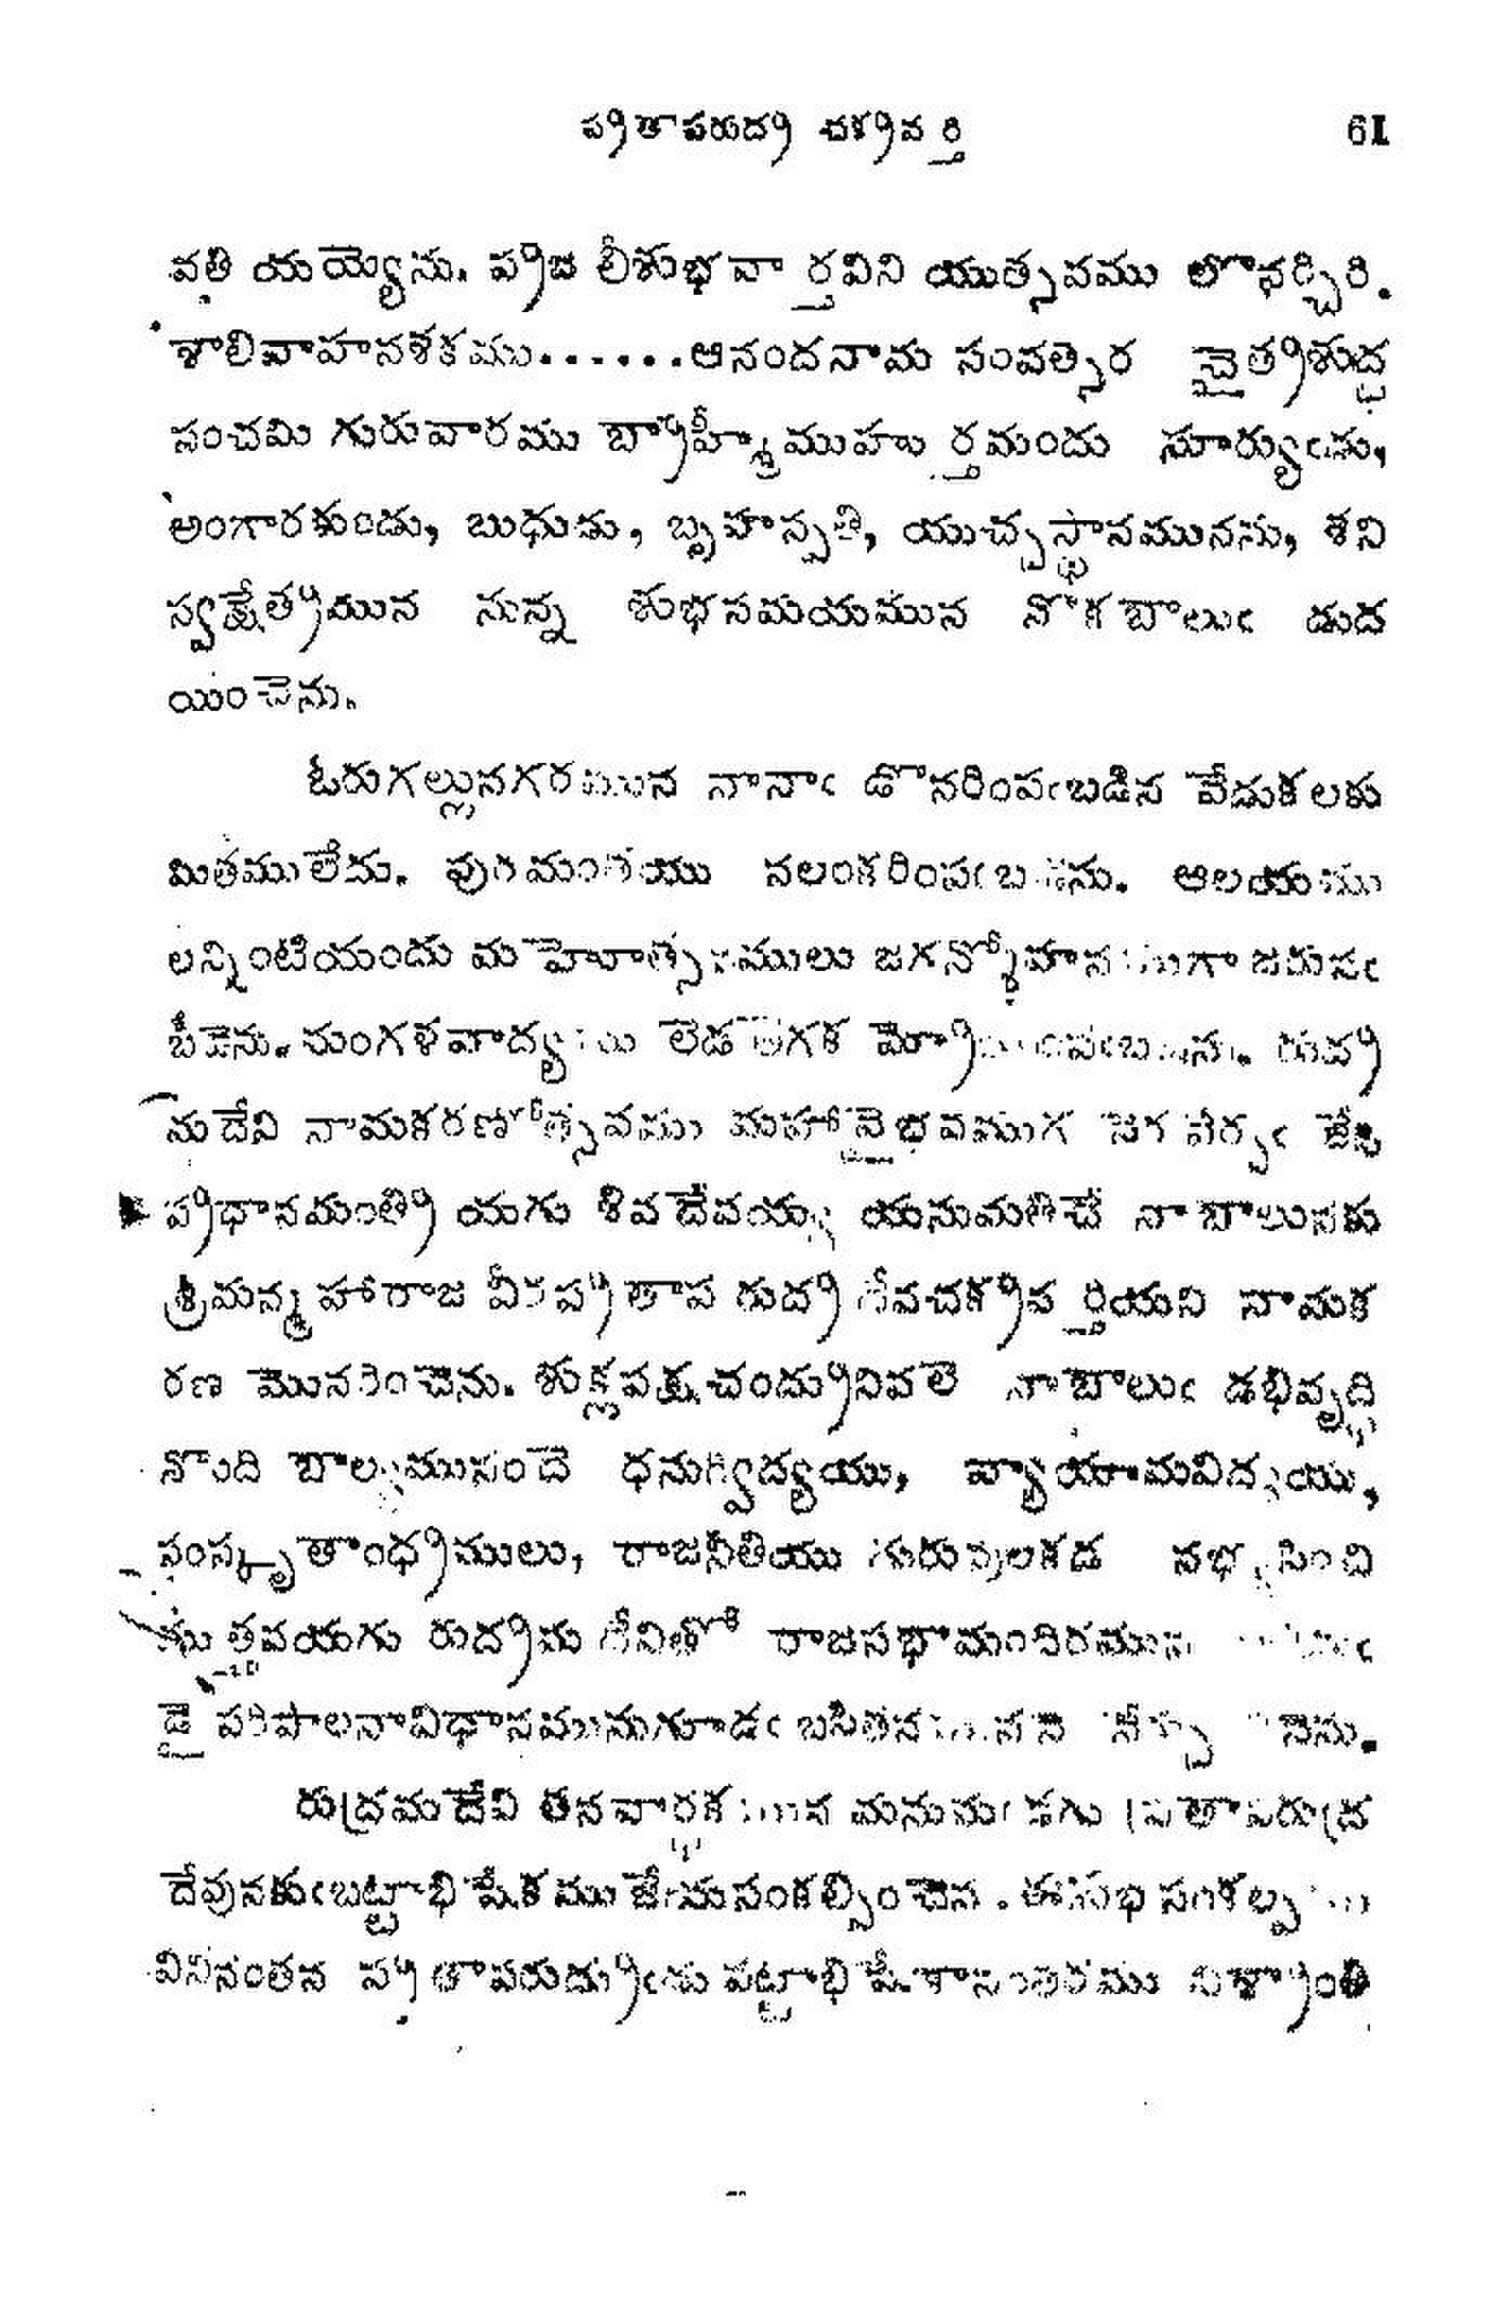వతి యయ్యెను. ప్రజ లీశుభవార్తవిని యుత్సవము లొనర్చిరి. శాలివాహనశకము...... ఆనందనామ సంవత్సర చైత్రశుద్ధ పంచమి గురువారము బ్రాహ్మీముహుర్తమందు సూర్యుడు, అంగారకుండు, బుధుడు, బృహస్పతి, యుచ్చస్థానమునను, శని స్వక్షేత్రమున నున్న శుభసమయమున నొకబాలు డుద యించెను.

ఓరుగల్లునగరమున నానా డొనరింపబడిన వేడుకలకు మితము లేదు. పురమంతయు నలకరింపడెను. ఆలయము లన్నింటియందు మహోత్సవములు జగన్మోహనముగా జరుపబడెను. మంగళవాద్యము లెడతెగక మ్రోయింపబడెను. రుద్రమదేవి నామకరణోత్సవము మహావైభవముగ నెర వేర్ప జేసి ప్రధానమంత్రియగు శివదేవయ్య యనుమతిచే నాబాలునకు శ్రీమన్మహారాజ వీరప్రతాప రుద్రదేవ చక్రవర్తియని నామకరణ మొనరించెను. శుక్లపక్షచంద్రునివలె నాబాలు డభివృద్ధి నొంది బాల్యమునందె ధనుర్విద్యయు, వ్యాయామ విద్యయు, సంస్కృతాంధ్రములు, రాజనీతియు గురువులకడ నభ్యసించి ముత్తవయగు రుద్రమదేవితో రాజసభామందిరమున ఆసీనుడై పరిపాలనా విధానమును గూడ బసితనముననె నేర్చు కొనెను.

రుద్రమదేవి తనవార్ధకమున మనుమడగు ప్రతాపరుద్ర దేవునకు బట్టాభిషేకము జేయసంకల్పించెను. ఈశుభసంకల్పము వినినంతన ప్రతాపరుద్రుడు పట్టాభిషేకానంతరము విశ్రాంతి